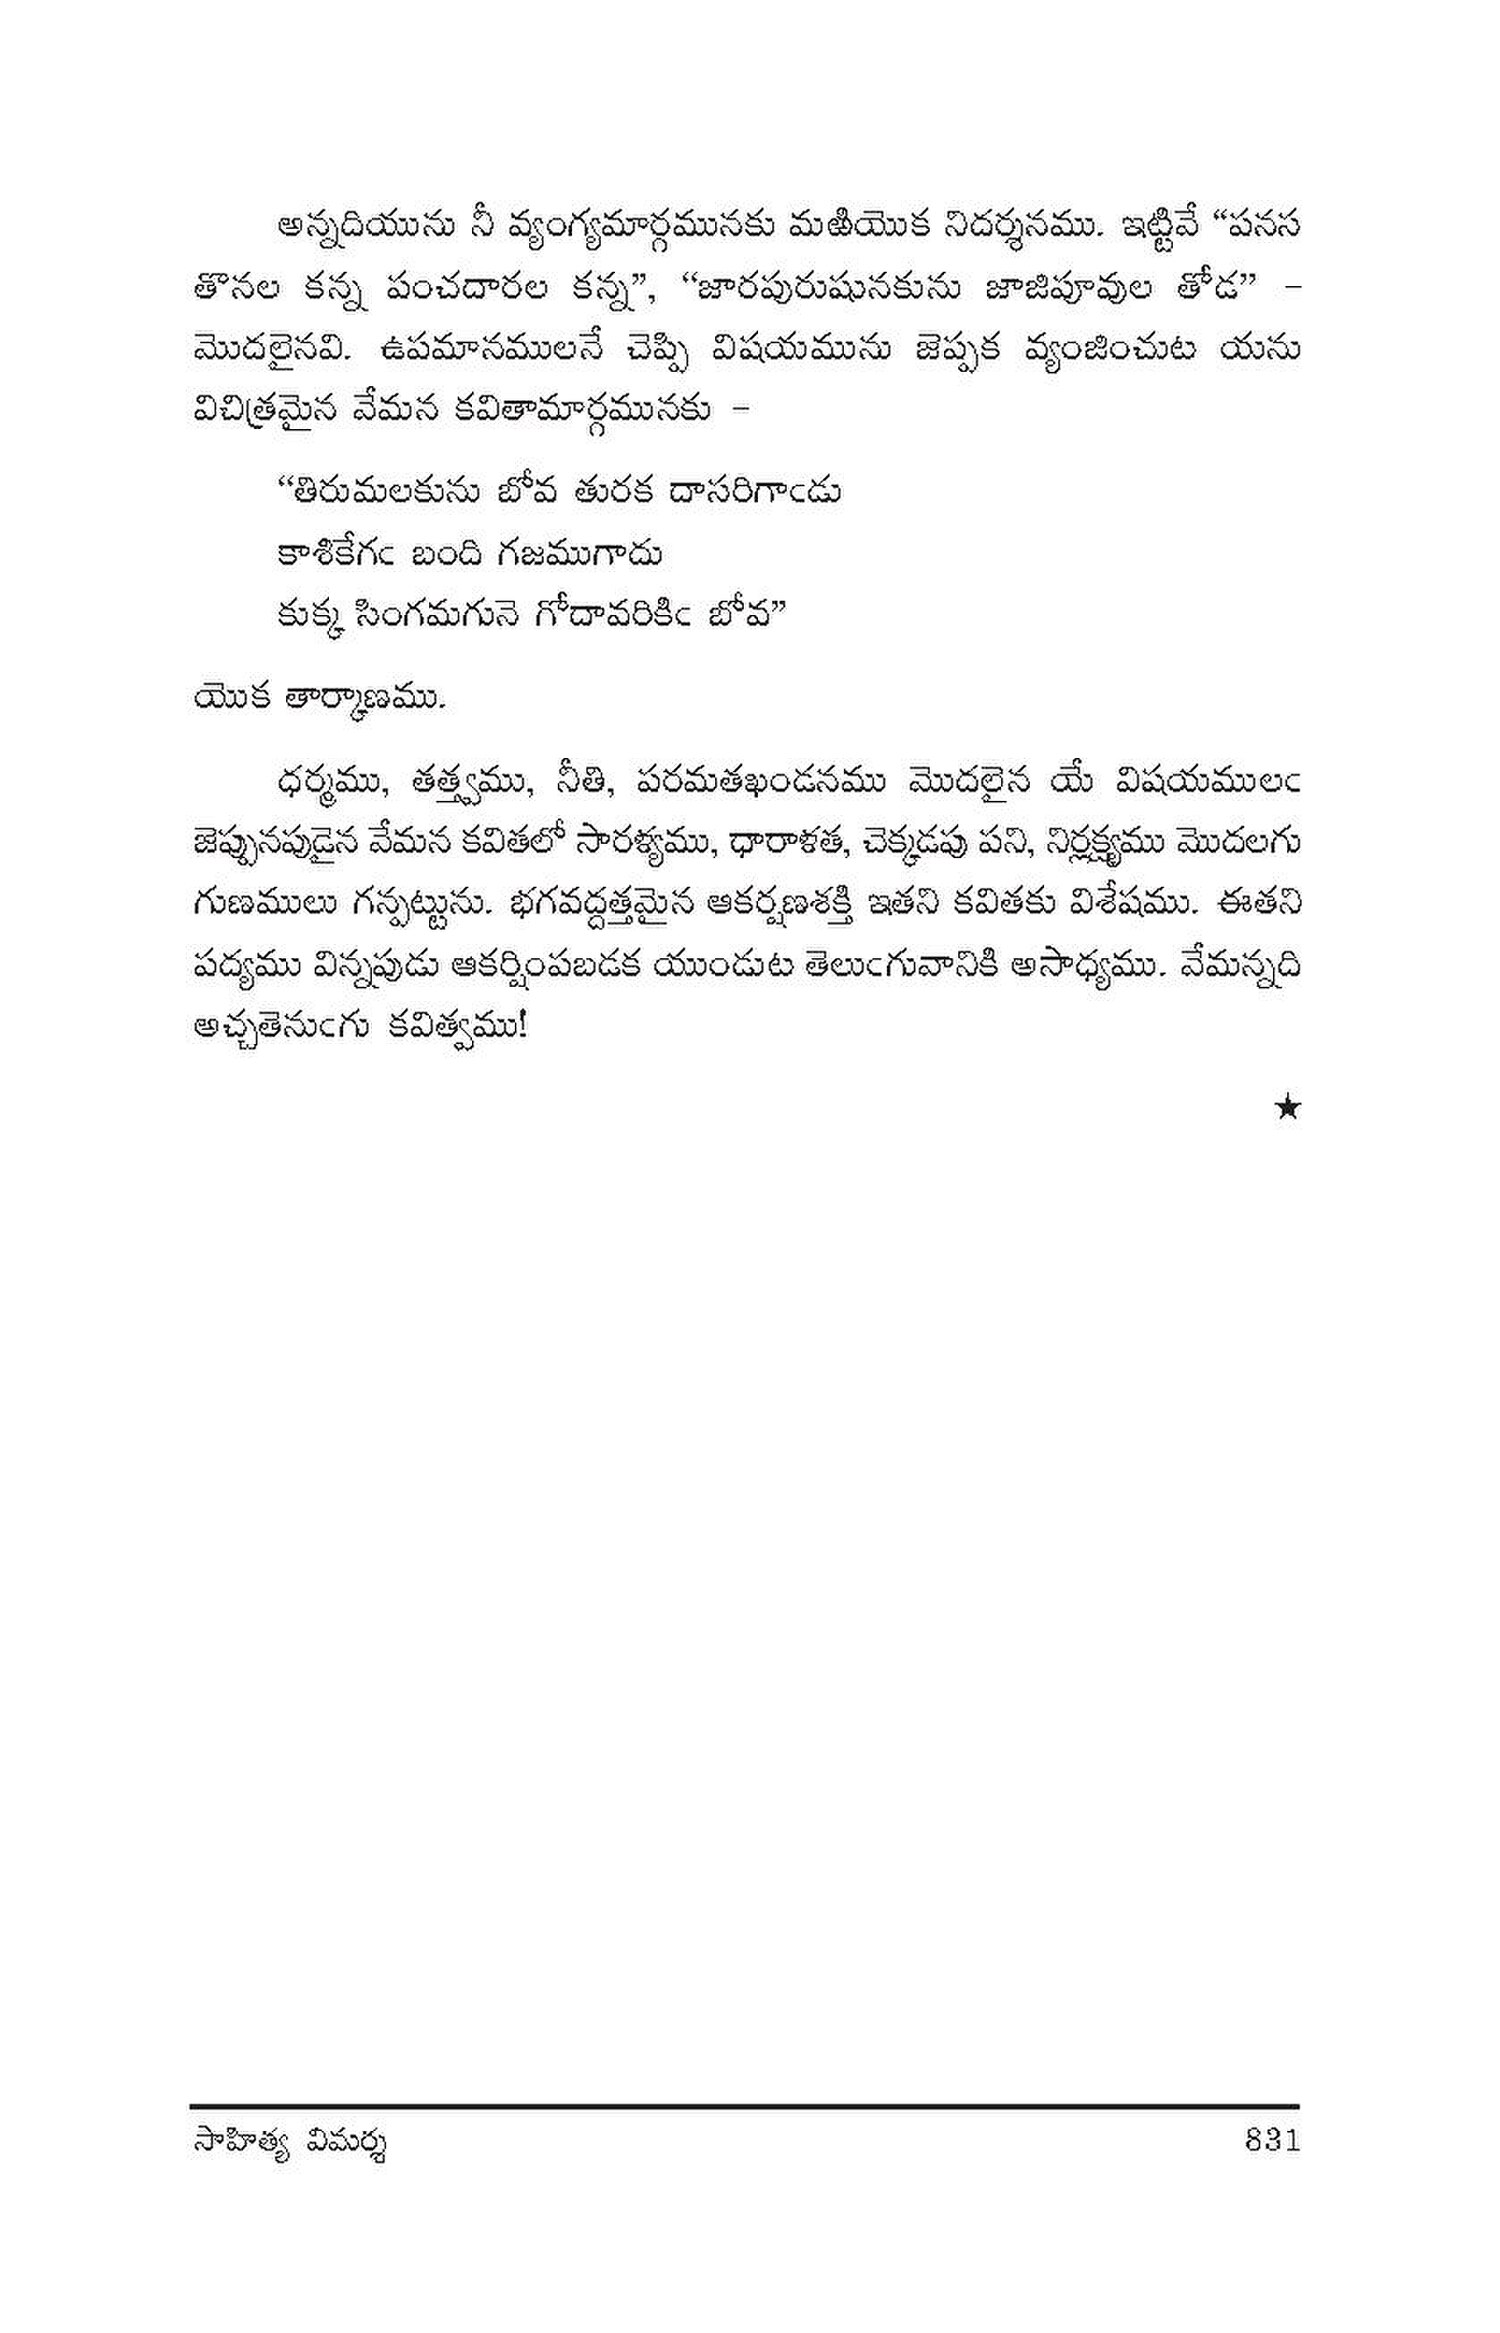అన్నదియును నీ వ్యంగ్యమార్గమునకు మఱియొక నిదర్శనము. ఇట్టివే “పనస
తొనల కన్న పంచదారల కన్న”, “జారపురుషునకును జాజివూవుల తోడ” -
మొదలైనవి. ఉపమానములనే చెప్పి విషయమును జెప్పక వ్యంజించుట యను
విచిత్రమైన వేమన కవితామార్గమునకు -

“తిరుమలకును బోవ తురక దాసరిగాఁడు
కాశికేగఁ బంది గజముగాదు
కుక్క సింగమగునె గోదావరికిఁ బోవ”

యొక తార్కాణము.

ధర్మము, తత్త్వము, నీతి, పరమతఖండనము మొదలైన యే విషయములఁ
జెప్పునపుడైన వేమన కవితలో సారళ్యము, ధారాళత, చెక్కడపు పని, నిర్లక్ష్యము మొదలగు
గుణములు గన్పట్టును. భగవద్దత్తమైన అకర్షణశక్తి ఇతని కవితకు విశేషము. ఈతని
పద్యము విన్నపుడు ఆకర్షింపబడక యుండుట తెలుఁగువానికి అసాధ్యము. వేమన్నది
అచ్చతెనుఁగు కవిత్వము!